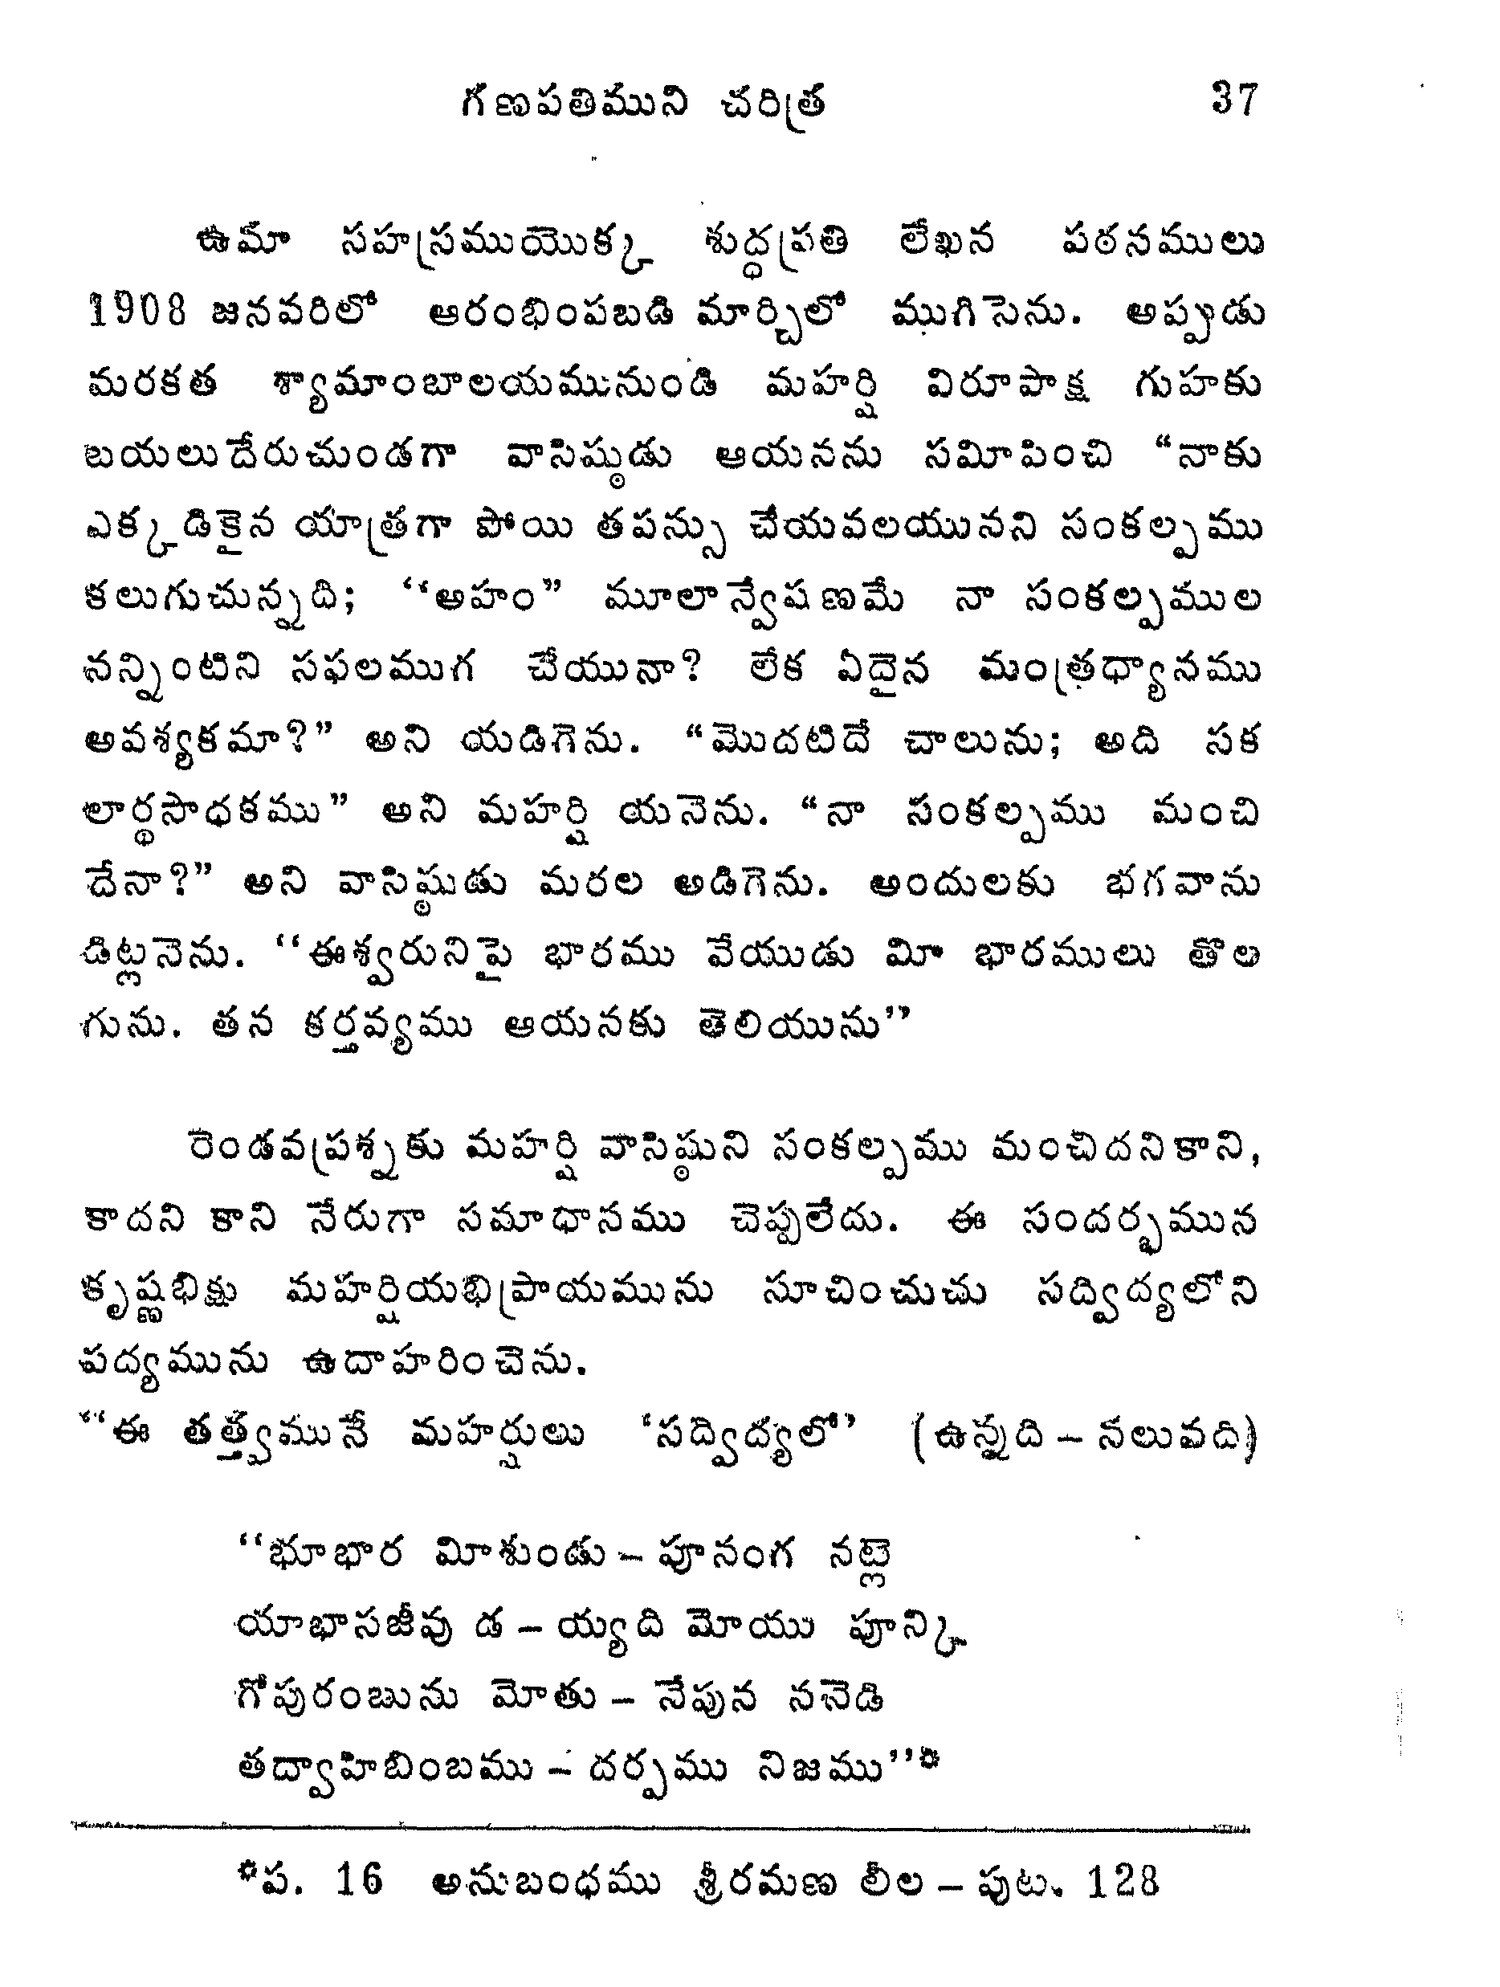ఉమా సహస్రముయొక్క శుద్ధప్రతి లేఖన పఠనములు 1908 జనవరిలో ఆరంభింపబడి మార్చిలో ముగిసెను. అప్పుడు మరకత శ్యామాంబాలయమునుండి మహర్షి విరూపాక్ష గుహకు బయలుదేరుచుండగా వాసిష్ఠుడు ఆయనను సమీపించి "నాకు ఎక్కడికైన యాత్రగా పోయి తపస్సు చేయవలయునని సంకల్పము కలుగుచున్నది; "అహం" మూలాన్వేషణమే నా సంకల్పముల నన్నింటిని సఫలముగ చేయునా? లేక ఏదైన మంత్రధ్యానము అవశ్యకమా?" అని యడిగెను. "మొదటిదే చాలును; అది సకలార్థసాధకము" అని మహర్షి యనెను. "నా సంకల్పము మంచిదేనా?" అని వాసిష్ఠుడు మరల అడిగెను. అందులకు భగవాను డిట్లనెను. "ఈశ్వరునిపై భారము వేయుడు మీ భారములు తొలగును. తన కర్తవ్యము ఆయనకు తెలియును"

రెండవప్రశ్నకు మహర్షి వాసిష్ఠుని సంకల్పము మంచిదనికాని, కాదని కాని నేరుగా సమాధానము చెప్పలేదు. ఈ సందర్భమున కృష్ణభిక్షు మహర్షియభిప్రాయమును సూచించుచు సద్విద్యలోని పద్యమును ఉదాహరించెను.

"ఈ తత్త్వమునే మహర్షులు 'సద్విద్యలో' (ఉన్నది-నలువది)